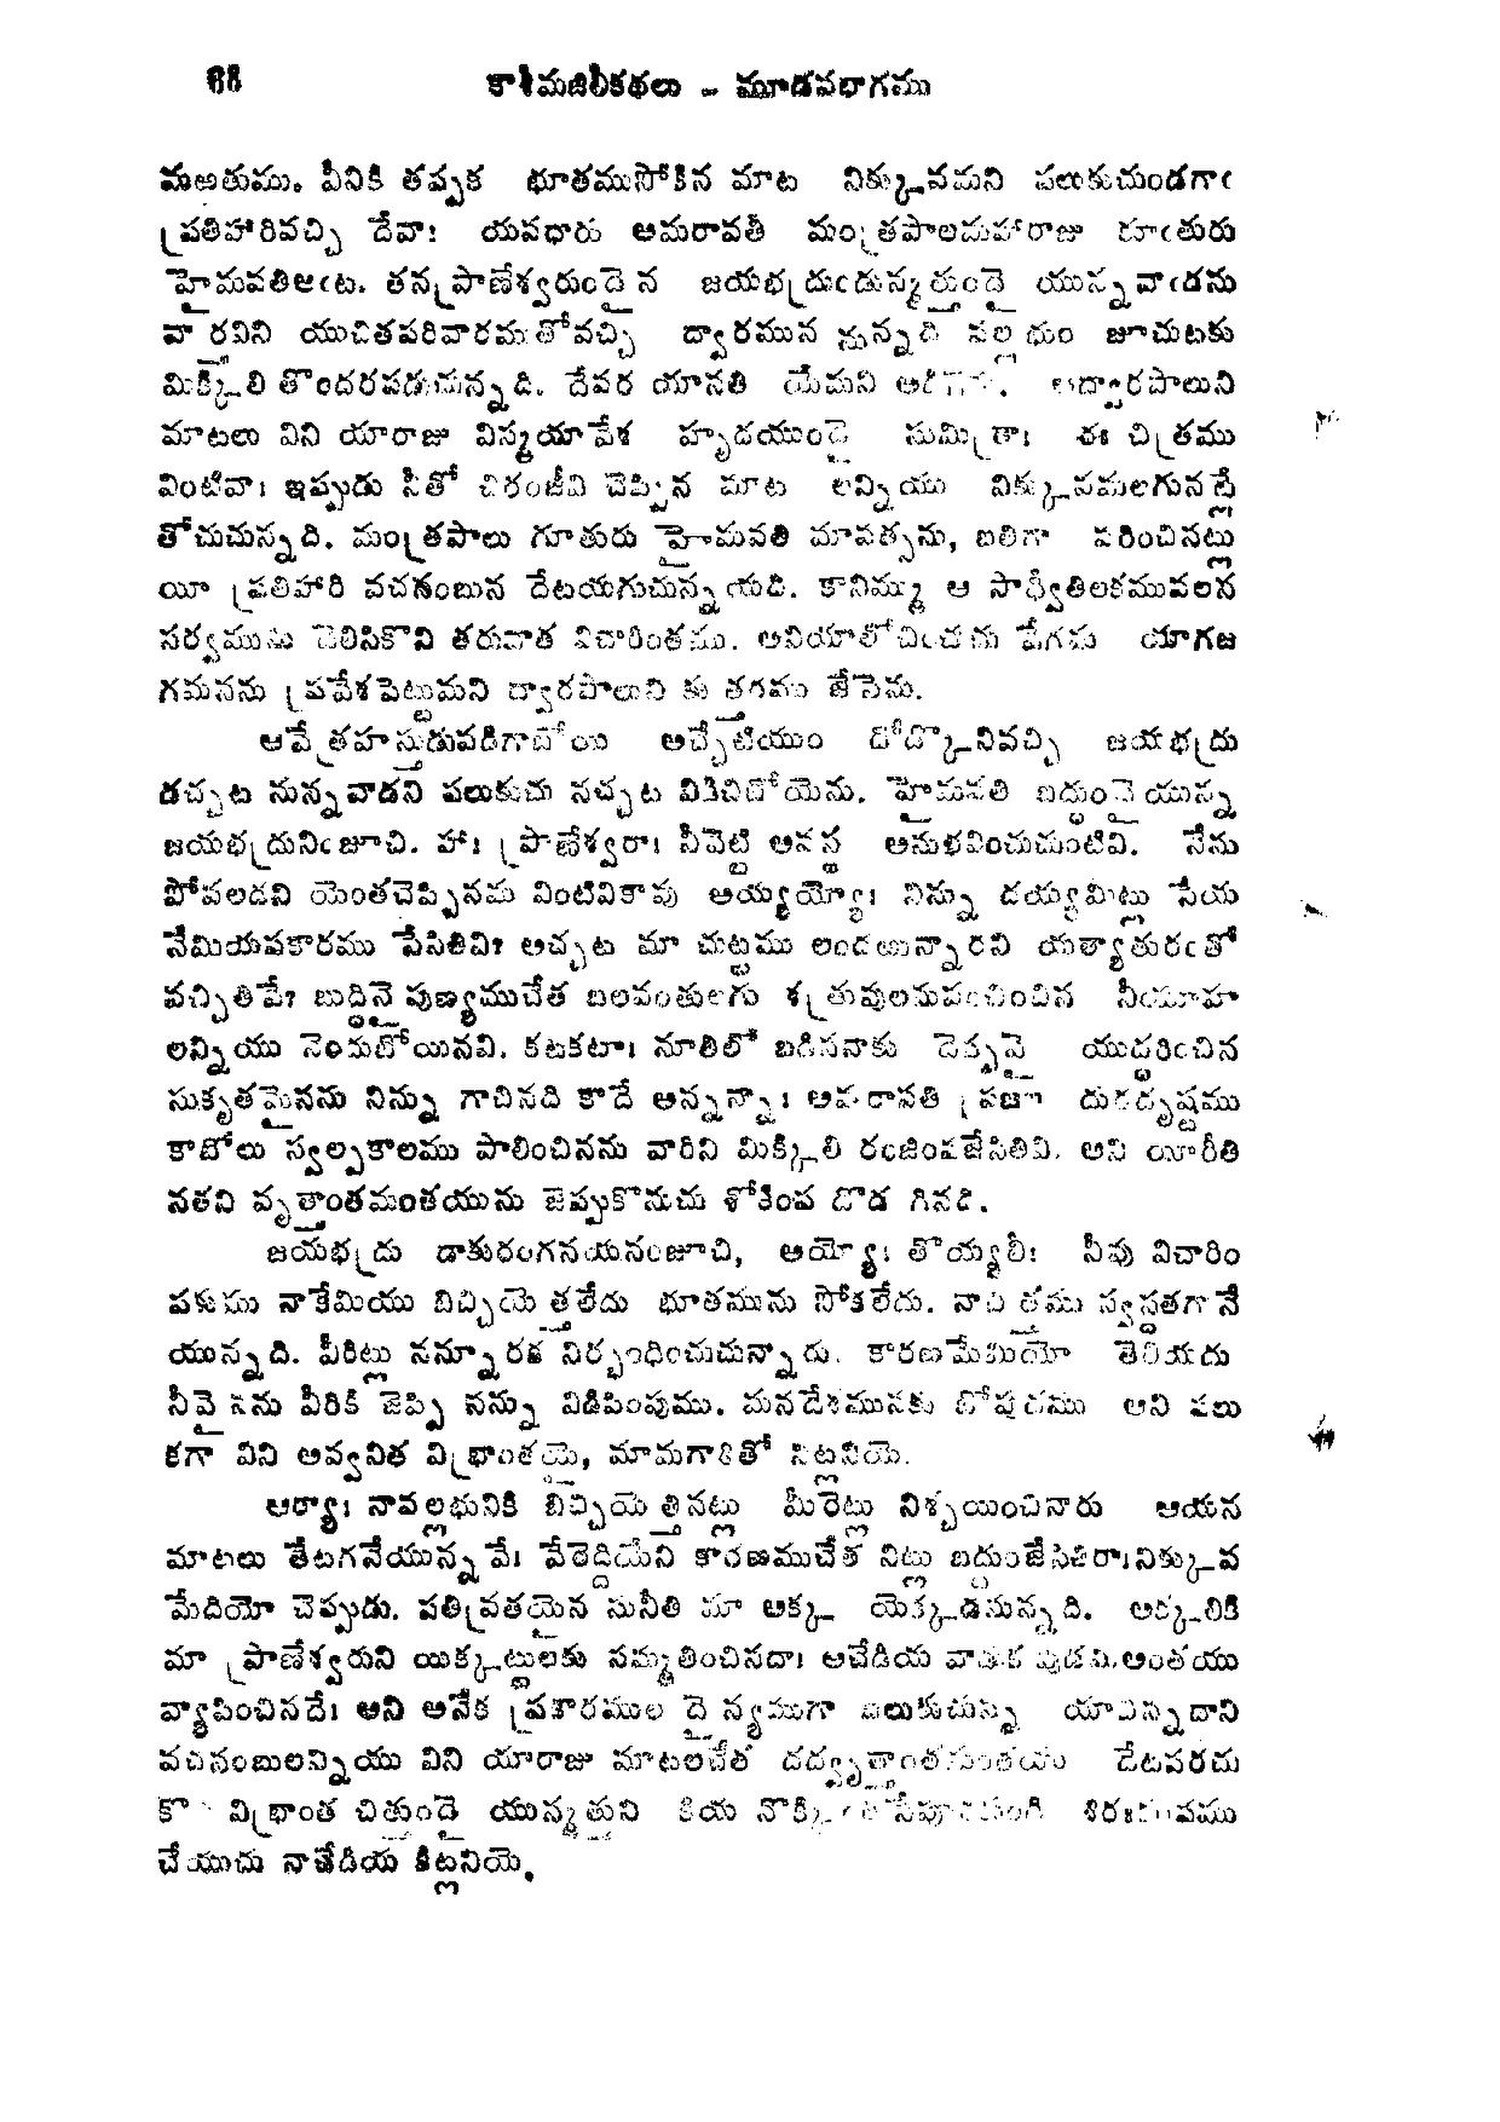మఱతుము. వీనికి తప్పక భూతముసోకిన మాట నిక్కువమని పలుకుచుండగాఁ ప్రతిహారి వచ్చి దేవా! యవధారు అమరావతీ మంత్రపాలమహారాజు కూఁతురు హైమవతిఅఁట. తనప్రాణేశ్వరుండైన జయభద్రుం డున్మత్తుండై యున్నవాఁడను వార్తవిని యుచితపరివారముతోవచ్చి ద్వారమున నున్నది వల్లభుం జూచుటకు మిక్కిలి తొందరపడుచున్నది. దేవర యానతి యేమని అడిగెను. ఆద్వారపాలుని
మాటలు విని యారాజు విస్మయావేశ హృదయుండై సుమిత్ ! ఈ చిత్రము వింటివా! ఇప్పుడు నీతో చిరంజీవి చెప్పిన మాట లన్నియు నిక్కువమగునట్లే తోచుచున్నది. మంత్రపాలు గూతురు హైమవతి మావత్సను, బతిగా వరించినట్లు యీ ప్రతిహారి వచనంబున దేటయగుచున్న యది. కానిమ్ము ఆ సాధ్వీతిలకమువలన సర్వమును దెలిసికొని తరువాత విచారింతము. అనియాలోచించుచు వేగమ యాగజగమనను ప్రవేశపెట్టుమని ద్వారపాలుని కుత్తరము జేసెను. 

ఆవేత్రహస్తుడు వడిగా బోయి అచ్చేటియుం దోడ్కొనివచ్చి జయభద్రు డచ్చట నున్నవాడని పలుకుచు నచ్చట విడిచిబోయెను. హైమవతి బద్ధుండైయున్న జయభద్రునిఁజూచి. హా! ప్రాణేశ్వరా! నీవెట్టి అవస్థ అనుభవించుచుంటివి. నేను పోవలదని యెంతచెప్పినను వింటివికావు అయ్యయ్యో! నిన్ను దయ్యమిట్లు సేయ నేమియపకారము సేసితివి? అచ్చట మా చుట్టము లందఱున్నారని యత్యాతురఁతో
వచ్చితివే? బుద్ధినైపుణ్యముచేత బలవంతులగు శత్రువులను వంచించిన నీయూహ లన్నియు నెందుబోయినవి. కటకటా! నూతిలో బడిననాకు దెప్పవై యుద్ధరించిన సుకృతమైనను నిన్ను గాచినది కాదే అన్నన్నా. అమరావతి ప్రజల దురదృష్టము కాబోలు స్వల్పకాలము పాలించినను వారిని మిక్కిలి రంజింపజేసితివి. అని యీరీతి నతని వృత్తాంతమంతయును జెప్పుకొనుచు శోకింపదొడగినది.

జయభద్రు డాకురంగనయనం జూచి, అయ్యో! తొయ్యలీ! నీవు విచారింపకుము నా కేమియు బిచ్చియెత్త లేదు భూతమును సోకలేదు. నాచిత్తము స్వస్థతగానే యున్నది. వీరిట్లు నన్నూరక నిర్బంధించుచున్నారు. కారణమేమియో తెలియదు నీవైనను వీరికి జెప్పి నన్ను విడిపింపుము. మనదేశమునకు బోవుదము ఆని పలుకగా విని అవ్వనిత విభ్రాంతయై, మామగారితో నిట్లనియె.

ఆర్యా, నావల్లభునికి బిచ్చియెత్తినట్లు మీరెట్లు నిశ్చయించినారు ఆయన మాటలు తేటగనేయున్నవే! వేరెద్దియేని కారణముచేత నిట్లు బద్దుంజేసితిరా! నిక్కువ మేదియో చెప్పుడు. పతివ్రతయైన సునీతి మా అక్క యెక్కడనున్నది. అక్కలికి మా ప్రాణేశ్వరుని యిక్కట్టులకు సమ్మతించినదా! అచేడియ వాడుక పుడమిఅంతయు వ్యాపించినదే! అని అనేక ప్రకారముల దైన్యముగా బలుకుచున్న యాచిన్నదాని
వచనంబులన్నియు విని యారాజు మాటలచేత దద్వృతాంతమంతయు దేటపరచుకొని విభ్రాంతచిత్తుండై యున్మత్తుని క్రియ నొక్కింతసేపూరకుండి శిరఃకంపము చేయుచు నాజేడియ కిట్లనియె.